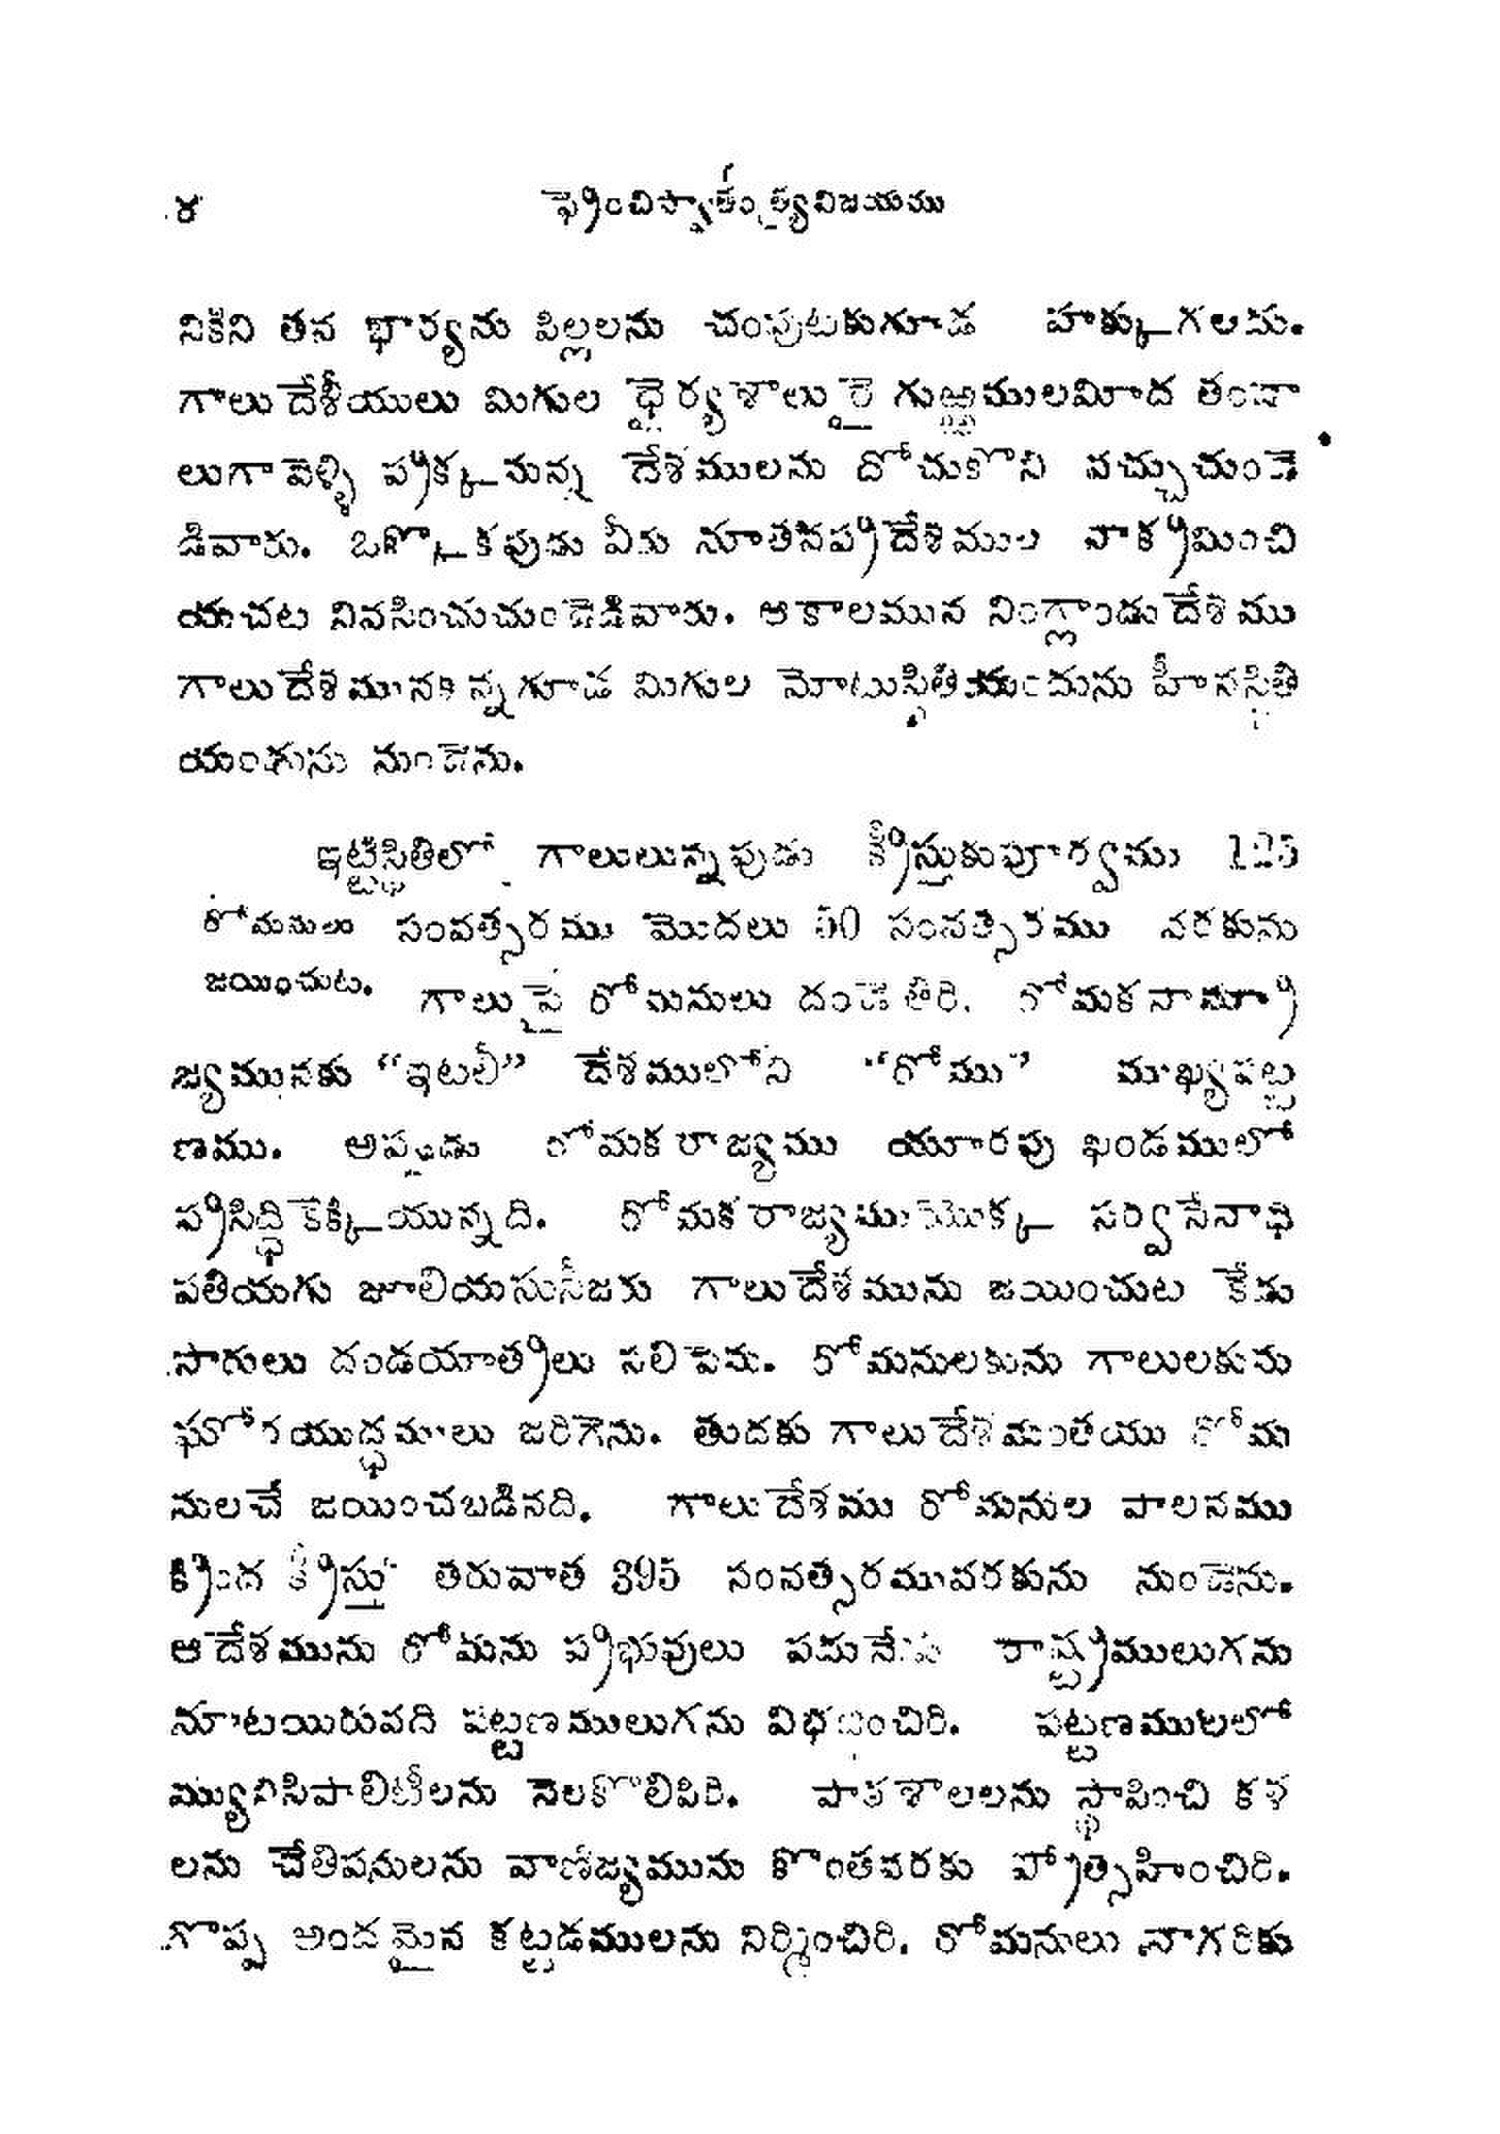నికిని తన భార్యను పిల్లలను చంపుటకుగూడ హక్కుగలదు.
గాలు దేశీయులు మిగుల ధైర్యశాలు ఆ గుఱములమీద తండా
లుగా వెళ్ళి పక్కనున్న దేశములను దోచుకొని వచ్చుచుం
డివారు. ఒక్కొ కప్పుడు మీకు నూతన ప్రదేశముల నాక్రమించి
యచట నివసించుచుండెడివారు. ఆ కాలమున నింగ్లాండు దేశము
గాలు దేశము న కన్నగూడ మిగుల మోటుస్థితి ముందును హీన స్థితి
యందును నుండెను.

ఇట్టి స్థితిలో, గాలులున్నపుడు క్రీస్తుకు పూర్వము 125
రోమసులు సంవత్సరము మొదలు 50 సంవత్సరము వరకును
గాలు పై రోమనులు దండెత్తిరి. రోమక సామ్రా
జ్యమునకు "ఇటలీ దేశములోని "రోము”ముఖ్య పట్టణము.
అప్పుడు రోమక రాజ్యము యూరపు ఖండములో
ప్రసిద్ధి కెక్కియున్నది. రోమక రాజ్యము యొక్క సర్వసేనాధి
పతియగు జూలియసుసీజరు గాలు దేశమును జయించుట కేడు
సారులు దండయాత్రలు సలిపెను. రోమనులకును గాలులకును
ఘోర యుద్ధములు జరిగెను. తుదకు గాలు దేశ మంతయు రోమను
లచే జయించబడినది. గాలు దేశము రోమనుల పాలనము
క్రింద క్రీస్తు' తరువాత 395 సంవత్సరము వరకును నుండెను.
ఆ దేశమును రోమను ప్రభువులు పదునేడు రాష్ట్రములుగను
నూటయిరువది పట్టణములుగను విభ వించిరి.
పట్టణములలో మ్యునిసిపాలిటీలను నెలకొలిపిరి. పాకశాలలను స్థాపించి
కళలను చేతిపనులను వాణిజ్యమును కొంతవరకు ప్రోత్సహించిరి.
గొప్ప అందమైన కట్టడములను నిర్మించిరి. రోమనులు నాగరికు